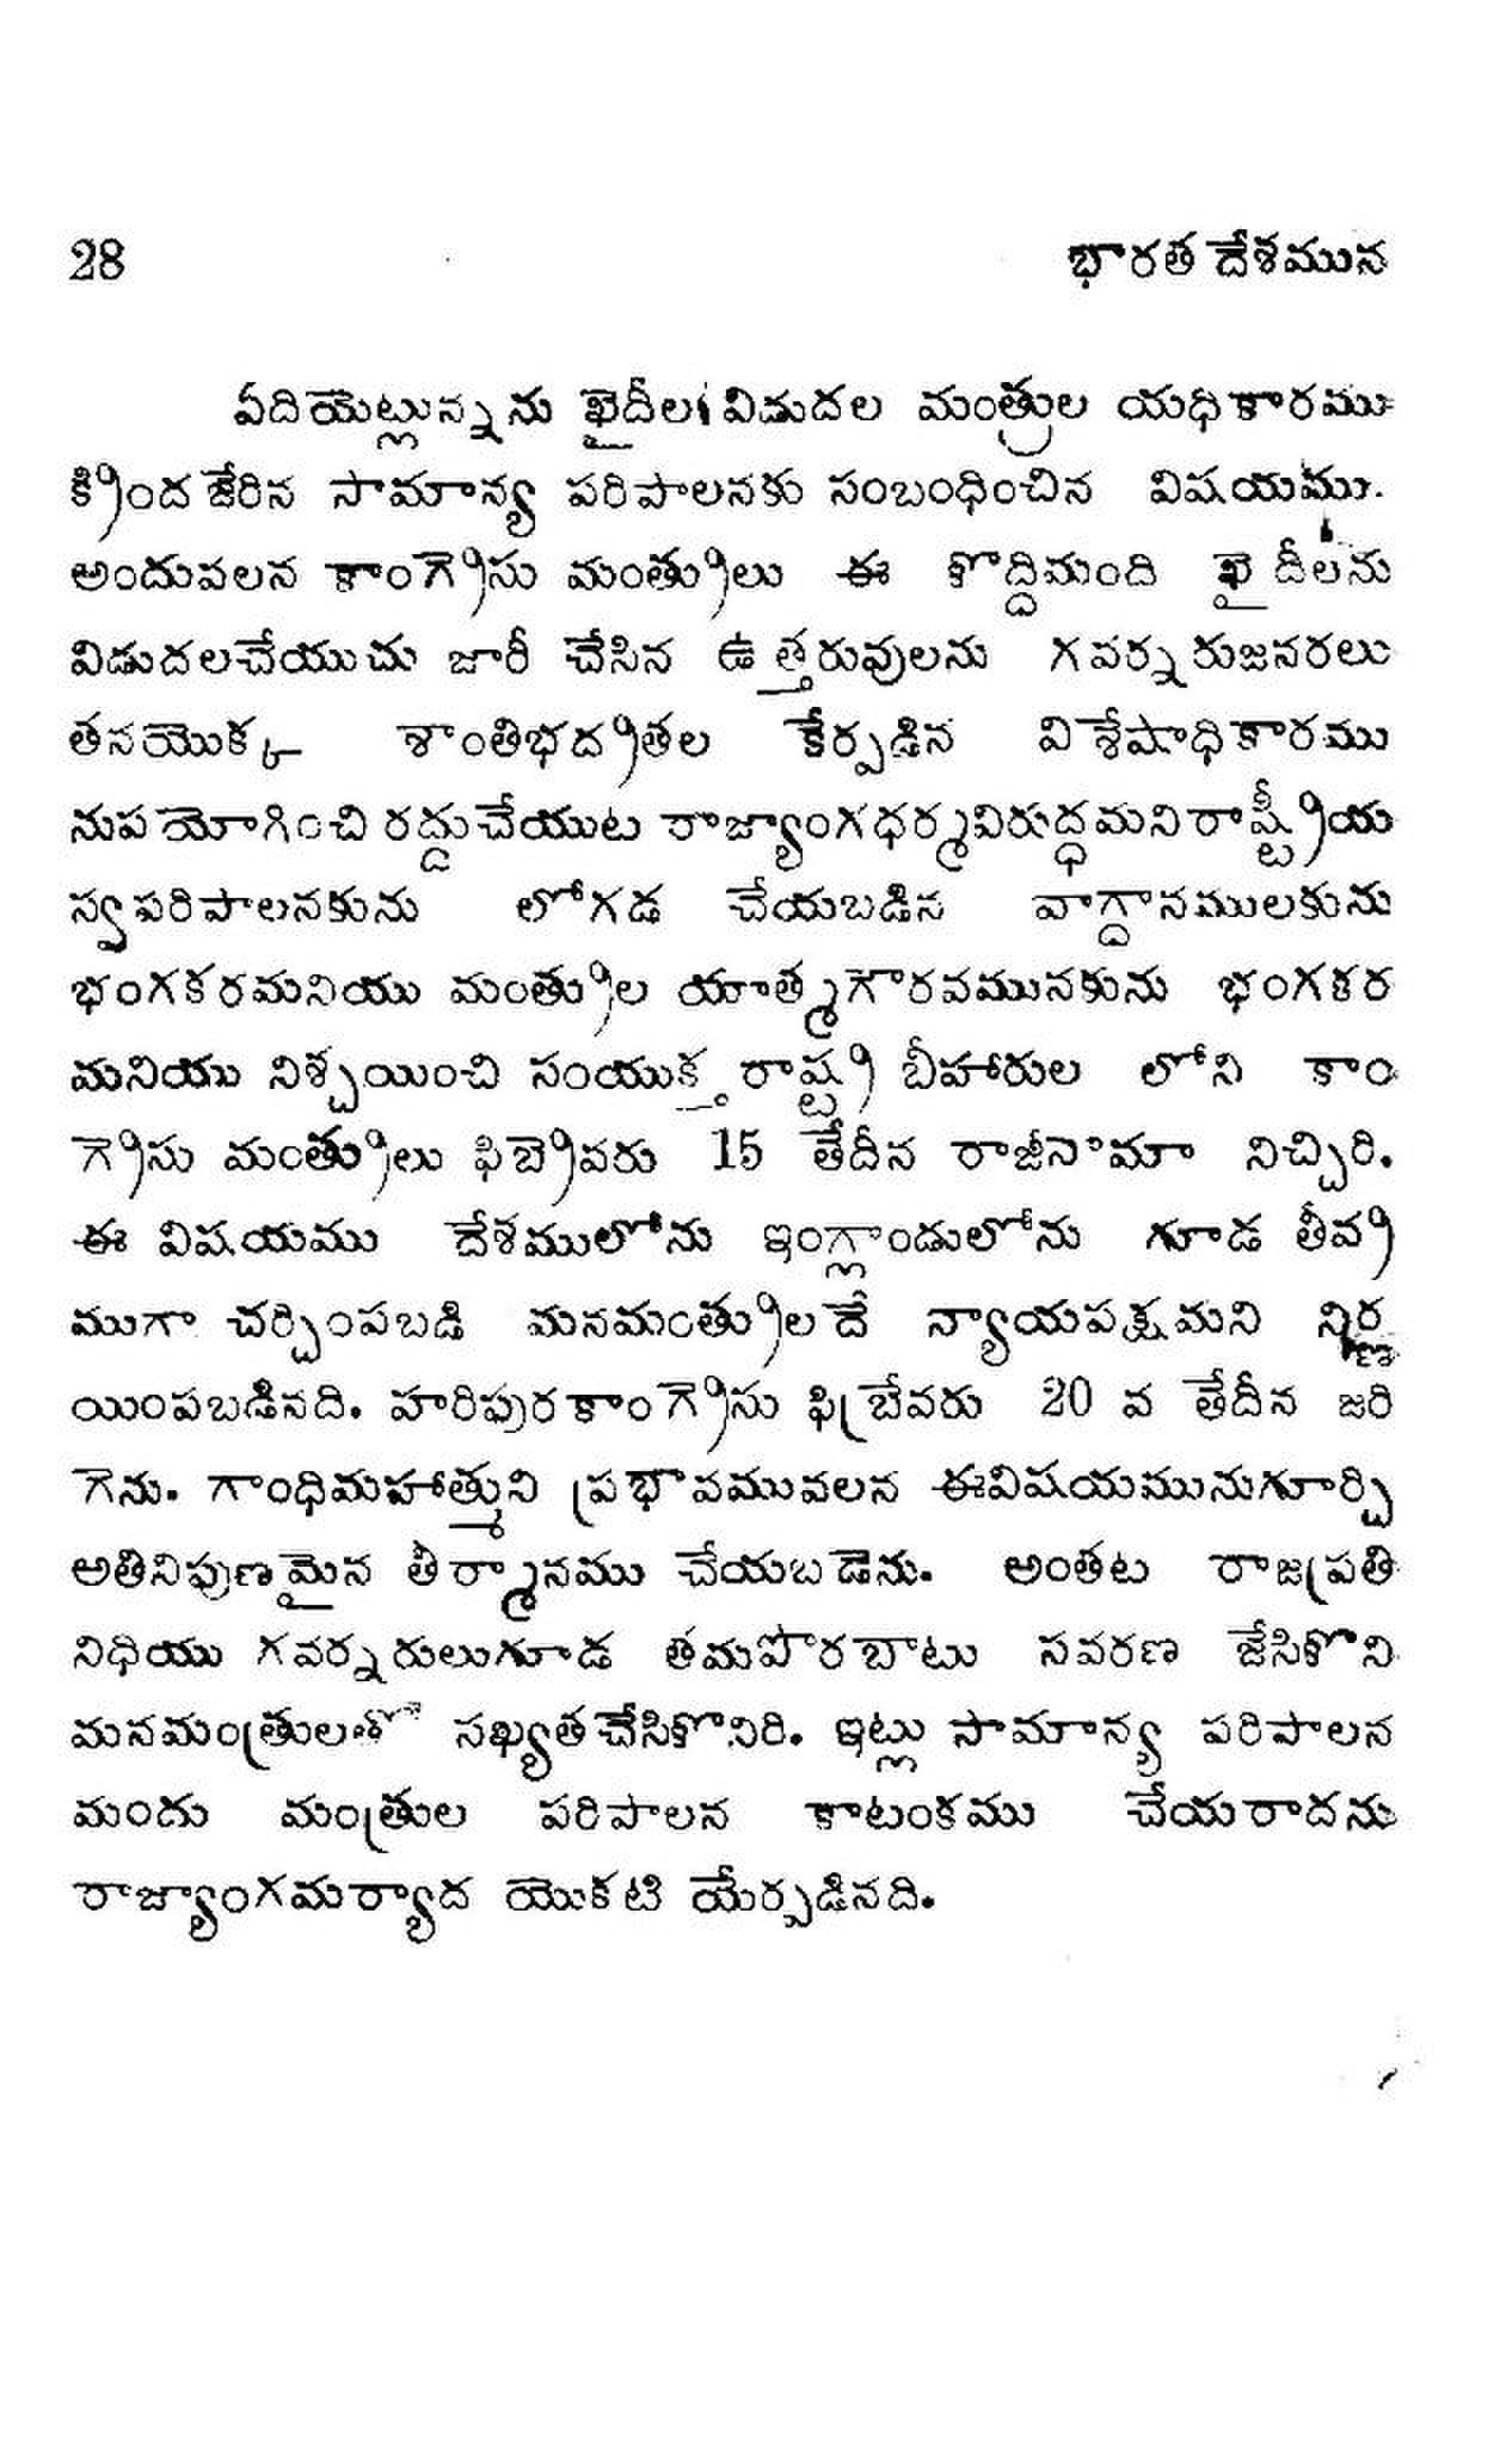ఏదియెట్లున్నను ఖైదీల విడుదల మంత్రుల యధికారము క్రిందజేరిన సామాన్య పరిపాలనకు సంబంధించిన విషయము. అందువలన కాంగ్రెసు మంత్రులు ఈ కొద్దిమంది ఖైదీలను విడుదలచేయుచు జారీ చేసిన ఉత్తరువులను గవర్నరుజనరలు తనయొక్క శాంతిభద్రతల కేర్పడిన విశేషాధికారము నుపయోగించి రద్దుచేయుట రాజ్యాంగ ధర్మవిరుద్ధమని రాష్ట్రీయ స్వపరిపాలనకును లోగడ చేయబడిన వాగ్దానములకును భంగకరమనియు మంత్రుల యాత్మగౌరవమునకును భంగకరమనియు నిశ్చయించి సంయుక్త రాష్ట్ర బీహారుల లోని కాంగ్రెసు మంత్రులు ఫిబ్రెవరు 15 తేదీన రాజీనామా నిచ్చిరి. ఈ విషయము దేశములోను ఇంగ్లాండులోను గూడ తీవ్రముగా చర్చింపబడి మనమంత్రులదే న్యాయపక్షమని నిర్ణయింపబడినది. హరిపురకాంగ్రెను ఫిబ్రేవరు 20 వ తేదీన జరిగెను. గాంధిమహాత్ముని ప్రభావమువలన ఈవిషయమునుగూర్చి అతినిపుణమైన తీర్మానము చేయబడెను. అంతట రాజప్రతినిధియు గవర్నరులుగూడ తమపొరబాటు సవరణ జేసికొని మనమంత్రులతో సఖ్యతచేసికొనిరి. ఇట్లు సామాన్య పరిపాలన మందు మంత్రుల పరిపాలన కాటంకము చేయరాదను రాజ్యాంగమర్యాద యొకటి యేర్పడినది.